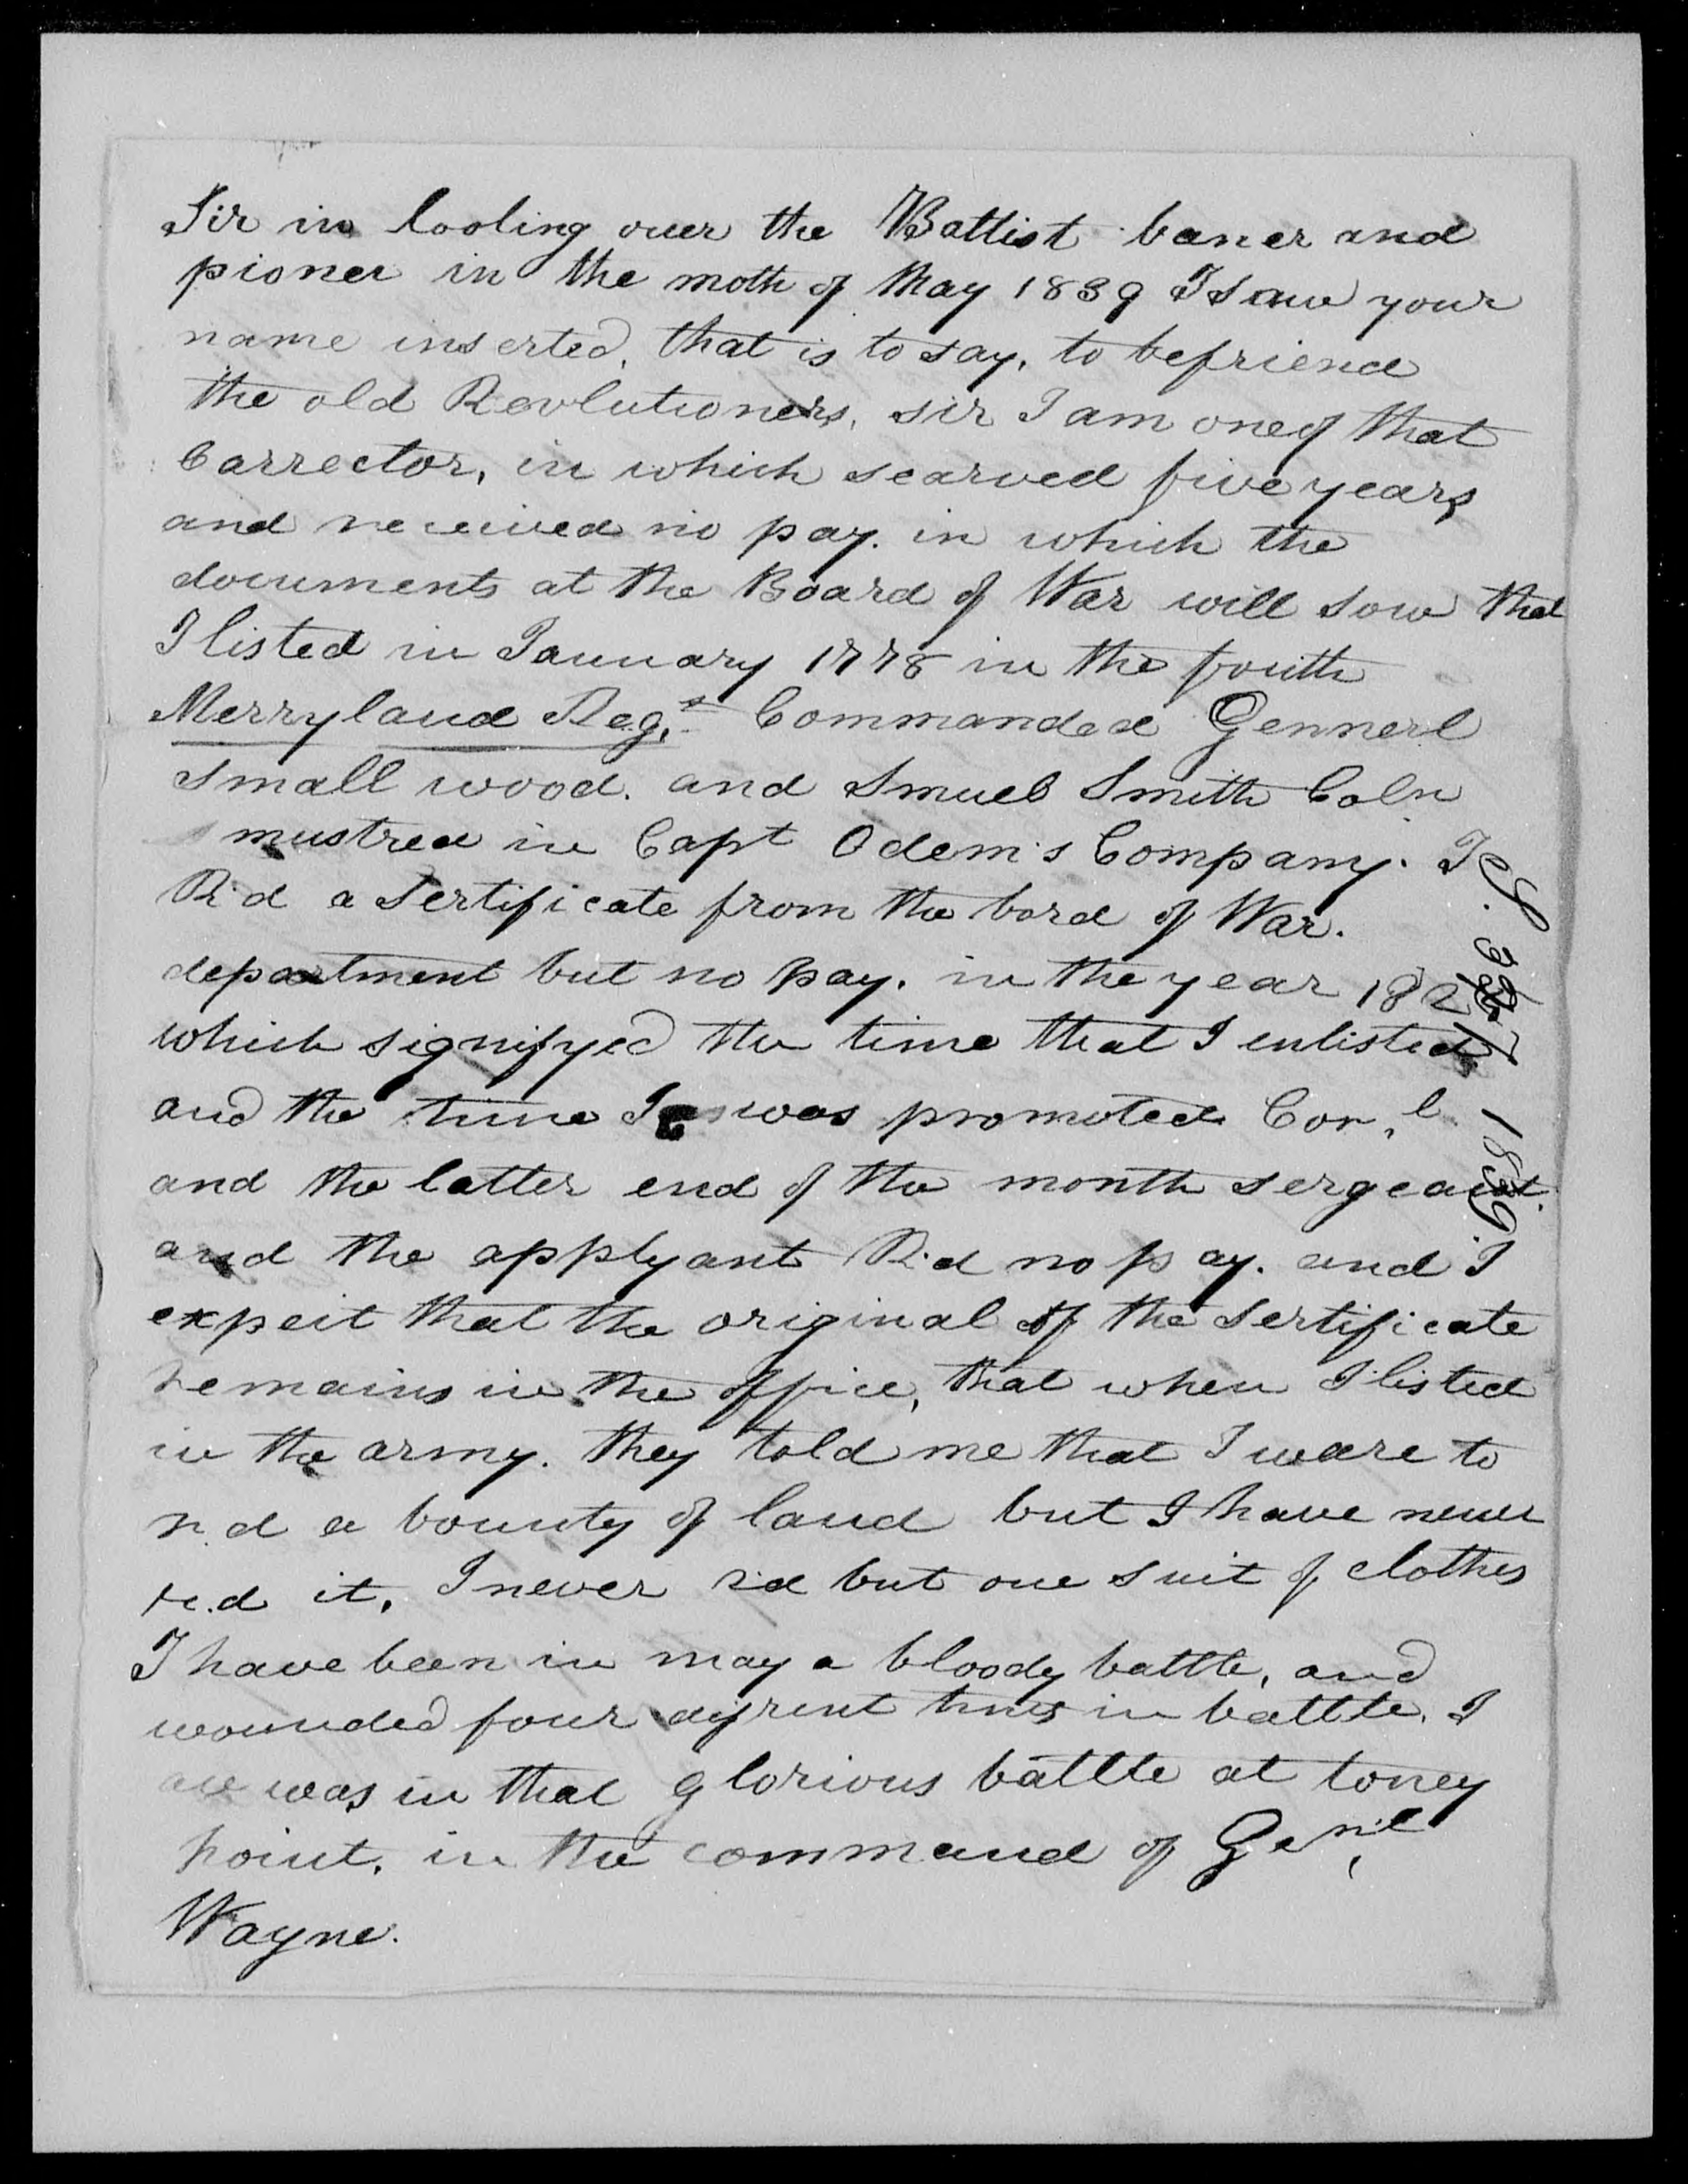Sir in looking over the Batlist baner and pioner in the moth (month) of 
May 1839 I saw your name inserted, that is to say, to befriend the old
Revolutioners. sir I am one of that carrector (character?), in which searved
(served) five years and received no pay in which the documents at the Board of War will sow (show) that I listed in January 1778 in the fouth
(fourth or south) Merryland (Maryland) Regt. commanded Gennerl (General) Smallwood, and Smuel (Samuel?)  Smith Coln. (Colonel?)
I mustered in Capt Odem's Company.  I r'd (received) a sertificate (certificate) from the bord (board) of War department but no pay in the year 1825 which signifyed (signified) the time that I enlisted and the time I was promoted Cor.l (Corporal) and the latter end of the month sergeant
and the applyant r'd (Received) no pay and I expect that the original of the sertificate remains in the office, that when I listed in the army they told me that I wareb(was) to r'd (received) a bounty of land but I have never
r'd it.  I never i'd but one suit of clothes I have been in may (many) a bloody battle, and wounded four seprent (separate) times in battle, I ne.
illegible] was in that glorious battle at toney point, in the command of Gen'l (General) Wayne.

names: Smuel Smith; [BLANK] Wayne; [BLANK] Smallwood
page: 3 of 25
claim: survivor's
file: S. 38109, for Thomas Keates, Maryland